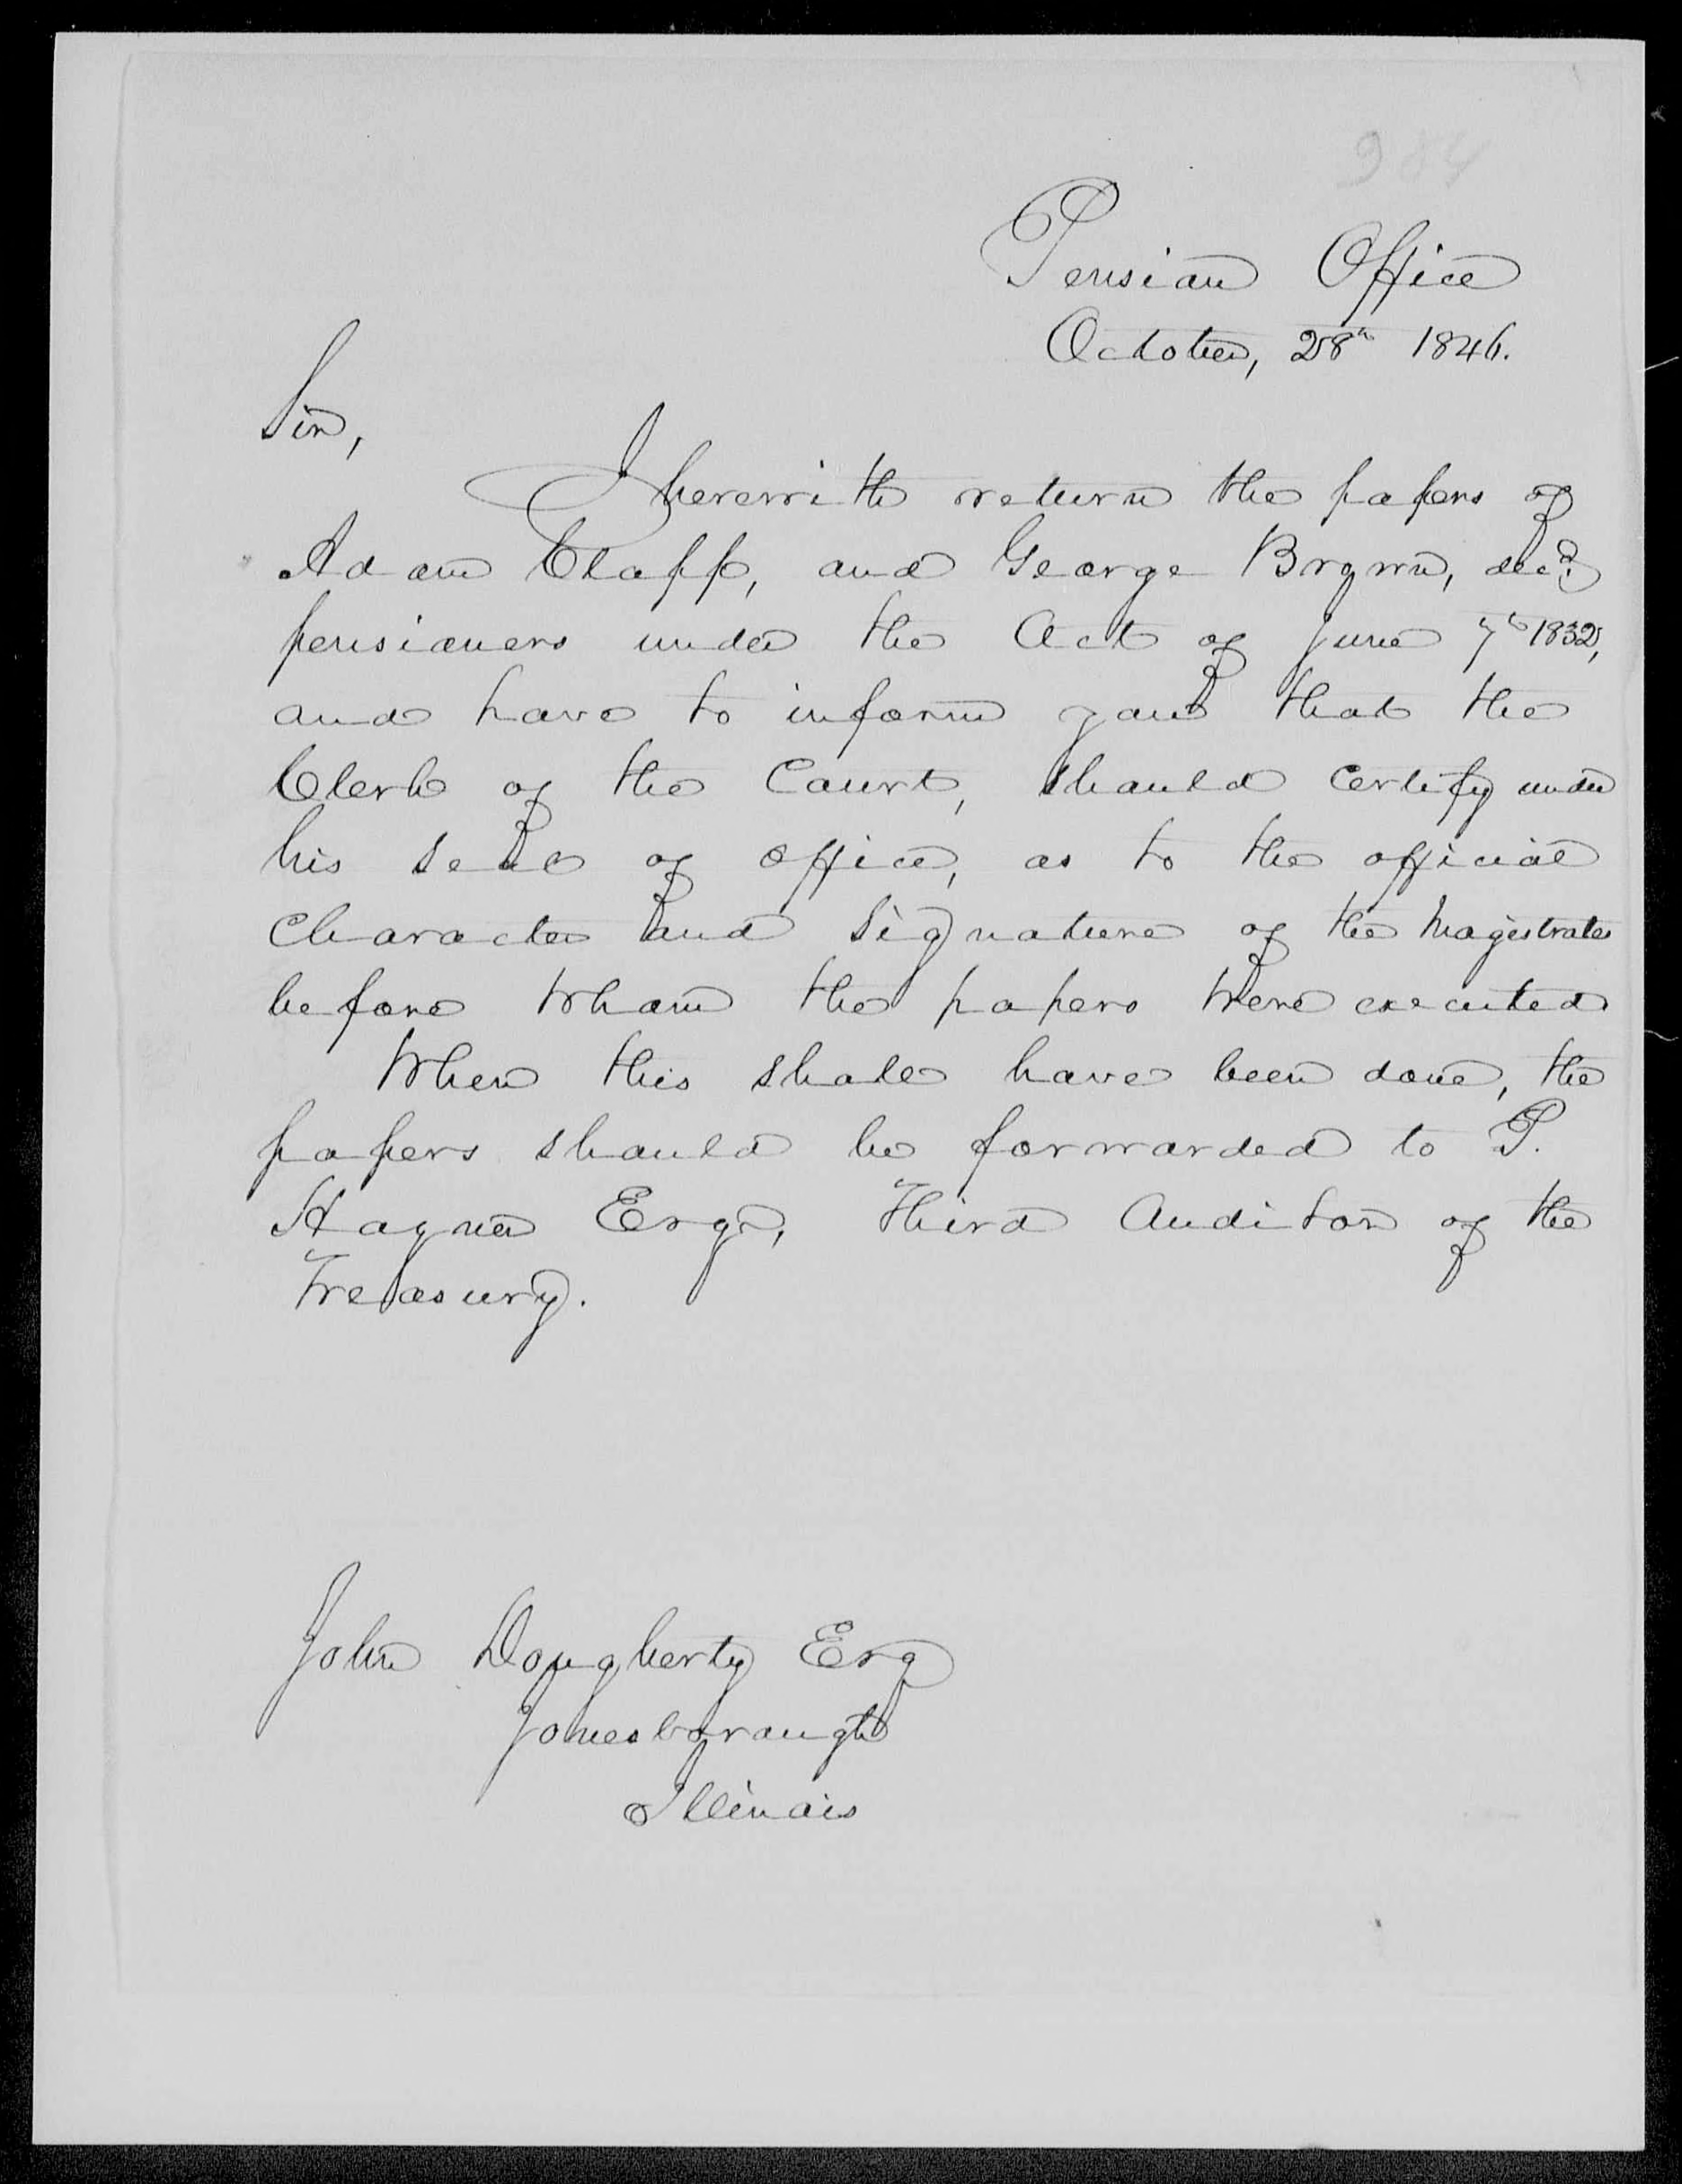Pension Office
October 28th 1846.

Sir,

I herewith return the papers of
Adam Clapp, and George Brown, decd.
pensioners under the Act of June 7th 1832,
and have to inform you that the
Clerk of the Court, should certify under
his Seal of office, as to the official
character and Signature of the Magistrate
before whom the papers were executed.
When this shall have been done, the
papers should be forwarded to P.
Hagner Esqr, Third Auditor of the
Treasury
John Dougherty Esq
Jonesborough
Illinois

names: P Hagner, John Dougherty, George Brown, Adam Clapp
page: 14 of 23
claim: survivor's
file: S. 30,937, Adam Clapp, N.C.